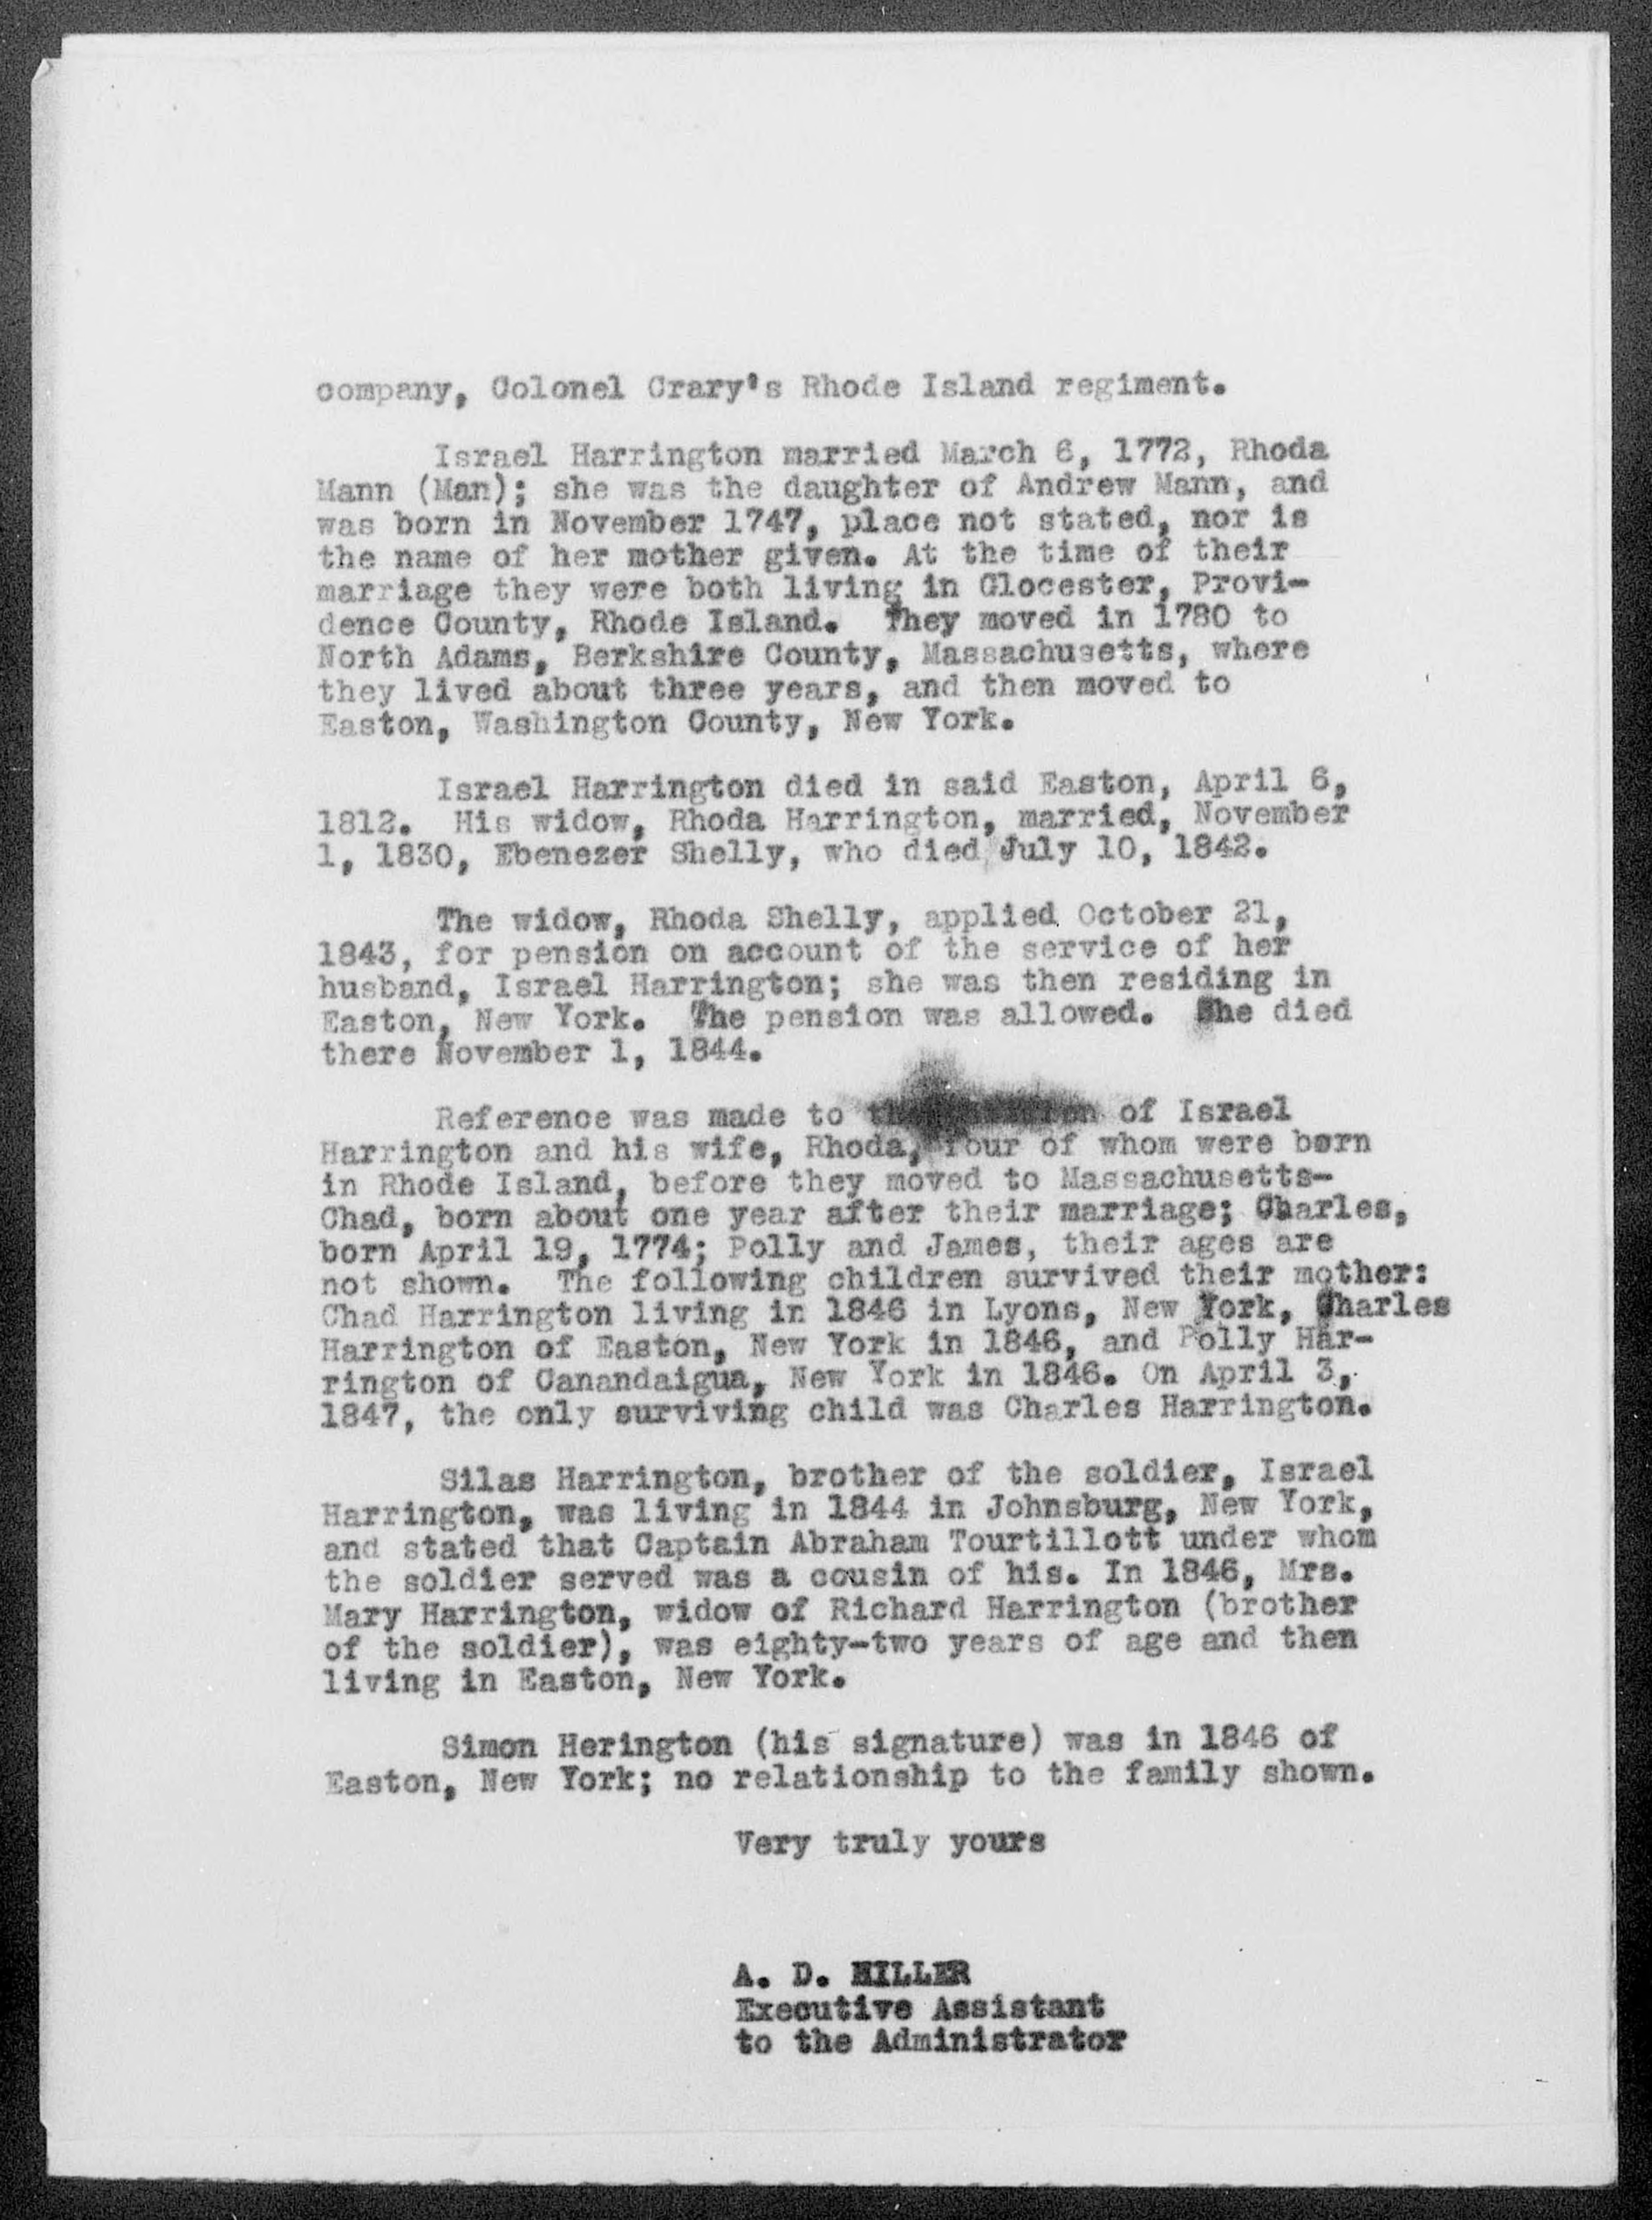company, Colonel Crary's Rhode Island regiment.

Israel Harrington married March 6, 1772, Rhoda Mann (Man); she was the daughter of Andrew Mann, and was born in November 1747, place not stated, nor is the name of her mother given. At the time of their marriage they were both living in Glocester, Providence County, Rhode Island. They moved in 1780 to North Adams, Berkshire County, Massachusetts, where they lived about three years, and then moved to Easton, Washington County, New York.

Israel Harrington died in said Easton, April 6, 1812. His widow, Rhoda Harrington, married, November 1, 1830, Ebenezer Shelly, who died July 10, 1842.

The widow, Rhoda Shelly, applied October 21, 1832, for pension on account of the service of her husband, Israel Harrington; she was then residing in Easton, New York. The pension was allowed. She died there November 1, 1844.

Reference was made to the children of Israel Harrington and his wife, Rhoda, four of whom were born in Rhode Island, before they moved to Massachusetts - Chad, born about one year after their marriage; Charles, born April 19, 1774; Polly and James, their ages are not shown. The following children survived their mother: Chad Harrington living in 1846 in Lyons, New York, Charles Harrington of Easton, New York in 1846, and Polly Harrington of Canandaigua, New York in 1846. On April 3, 1847, the only surviving child was Charles Harrington.

Silas Harrington, brother of the soldier, Israel Harrington, was living in 1844 in Jonesburg, New York, and stated that Captain Abraham Tourtillott under whom the soldier served was a cousin of his. In 1846, Mrs. Mary Harrington, widow of Richard Harrington (brother of the soldier), was eighty-two years of age and then living in Easton, New York.

Simon Herington (his signature) was in 1846 of Easton, New York; no relationship to the family shown.

Very truly yours,
A. D. HILLER
Executive Assistant to the Administrator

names: Charles Harrington, Israel Harrington, Rhoda Harrington, Charles Harrington, Israel Harrington, A D Hiller, Rhoda Mann, Israel Harrington, Rhoda Man, Rhoda Harrington, Rhoda Shelly, Polly Harrington, James, Israel Harrington, Silas Harrington, Abraham Tourtillott, Ebenezer Shelly, Mary Harrington, Simon Herington, Andrew Mann, Chad Harrington, Polly, Richard Harrington, Charles, Israel Harrington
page: 13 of 51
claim: widow's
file: W. 19,026, Israel Harrington, R.I.